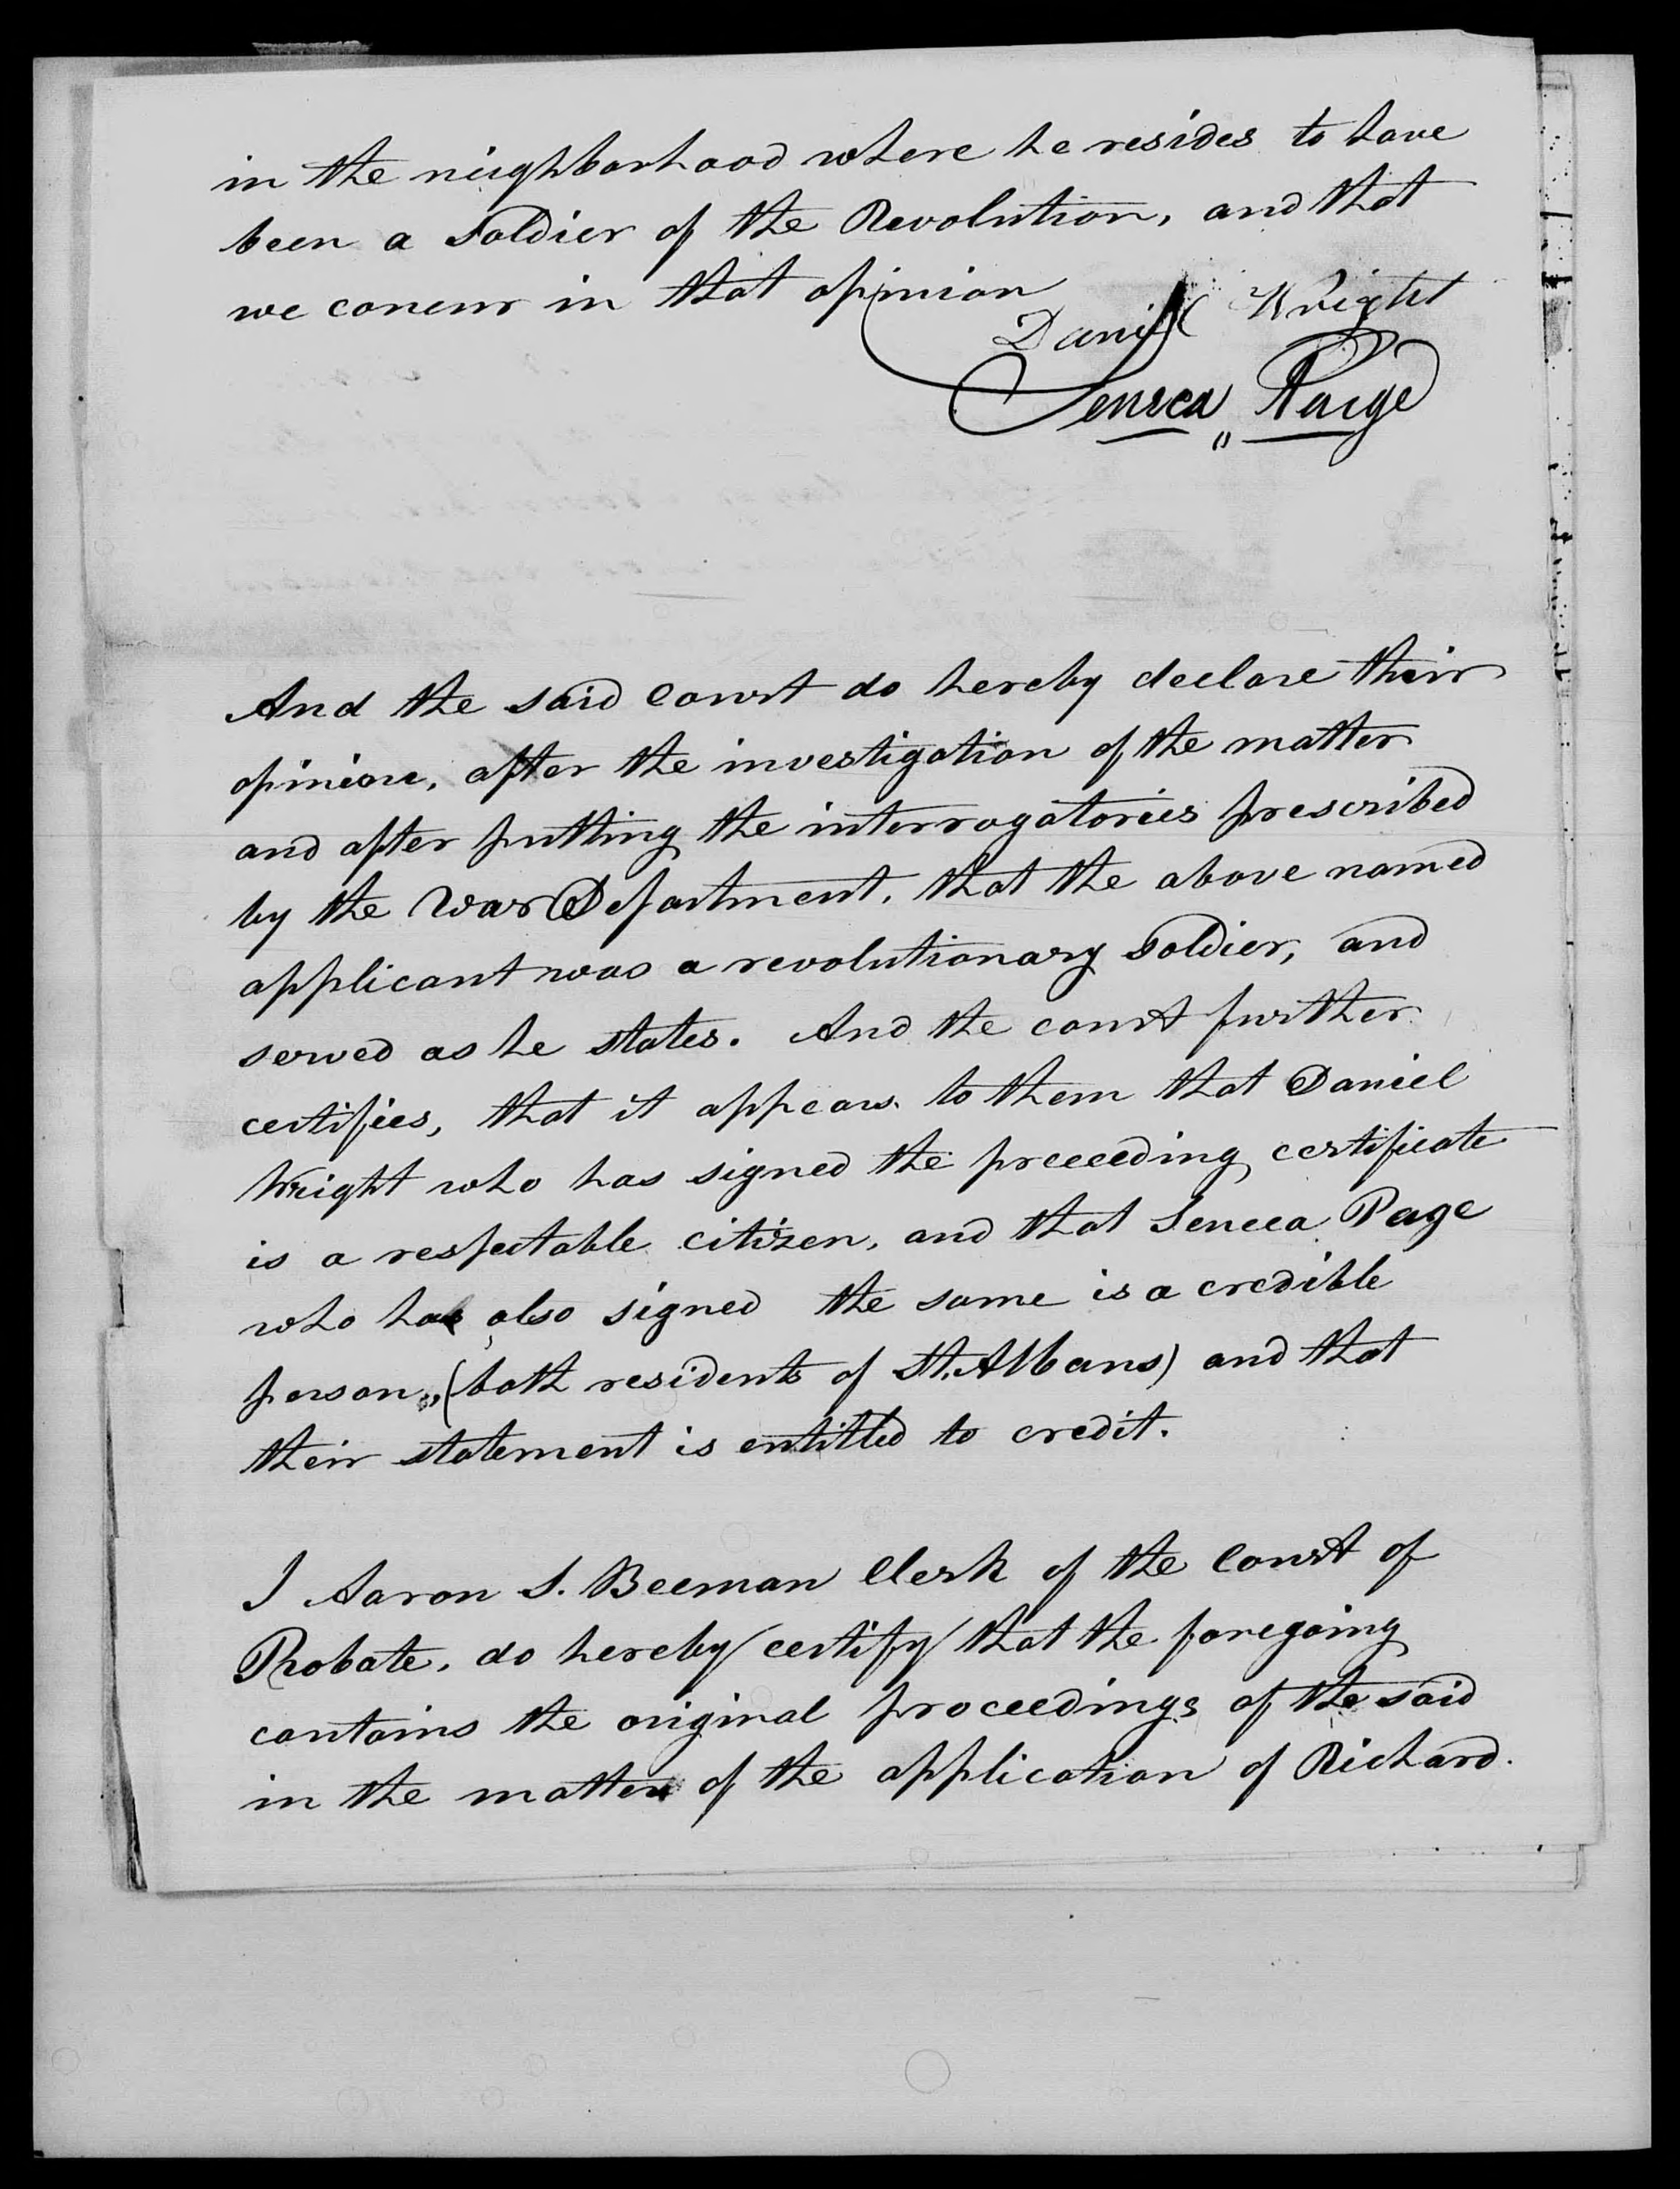in the neighborhood where he resides to have
been a soldier of the Revolution, and that
we concur in that opinion.
Daniel Wright
Seneca Paige

And the said Court do hereby declare their
opinion, after the investigation of the matter
and after putting the interrogatories prescribed
by the war Department, that the above named
applicant was a revolutionary soldier, and
served as he states. And the court further
certifies, that it appears to them that Daniel
Wright who has signed the preceding certificate
is a respectable citizen, and that Seneca Paige
who has also signed the same is a credible
person (both resident of St Albans), and that
their statement is entitled to credit.

Aaron S Beeman Clerk of the Court of
Probate, do hereby certify that the foregoing
contains the original proceedings of the said
in the matter of the application of Richard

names: Daniel Wright; Seneca Page; Seneca Paige; Richard [BLANK]; Aaron S Beeman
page: 10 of 99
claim: widow's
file: W. 24,482, for Richard Lattin, Vermont